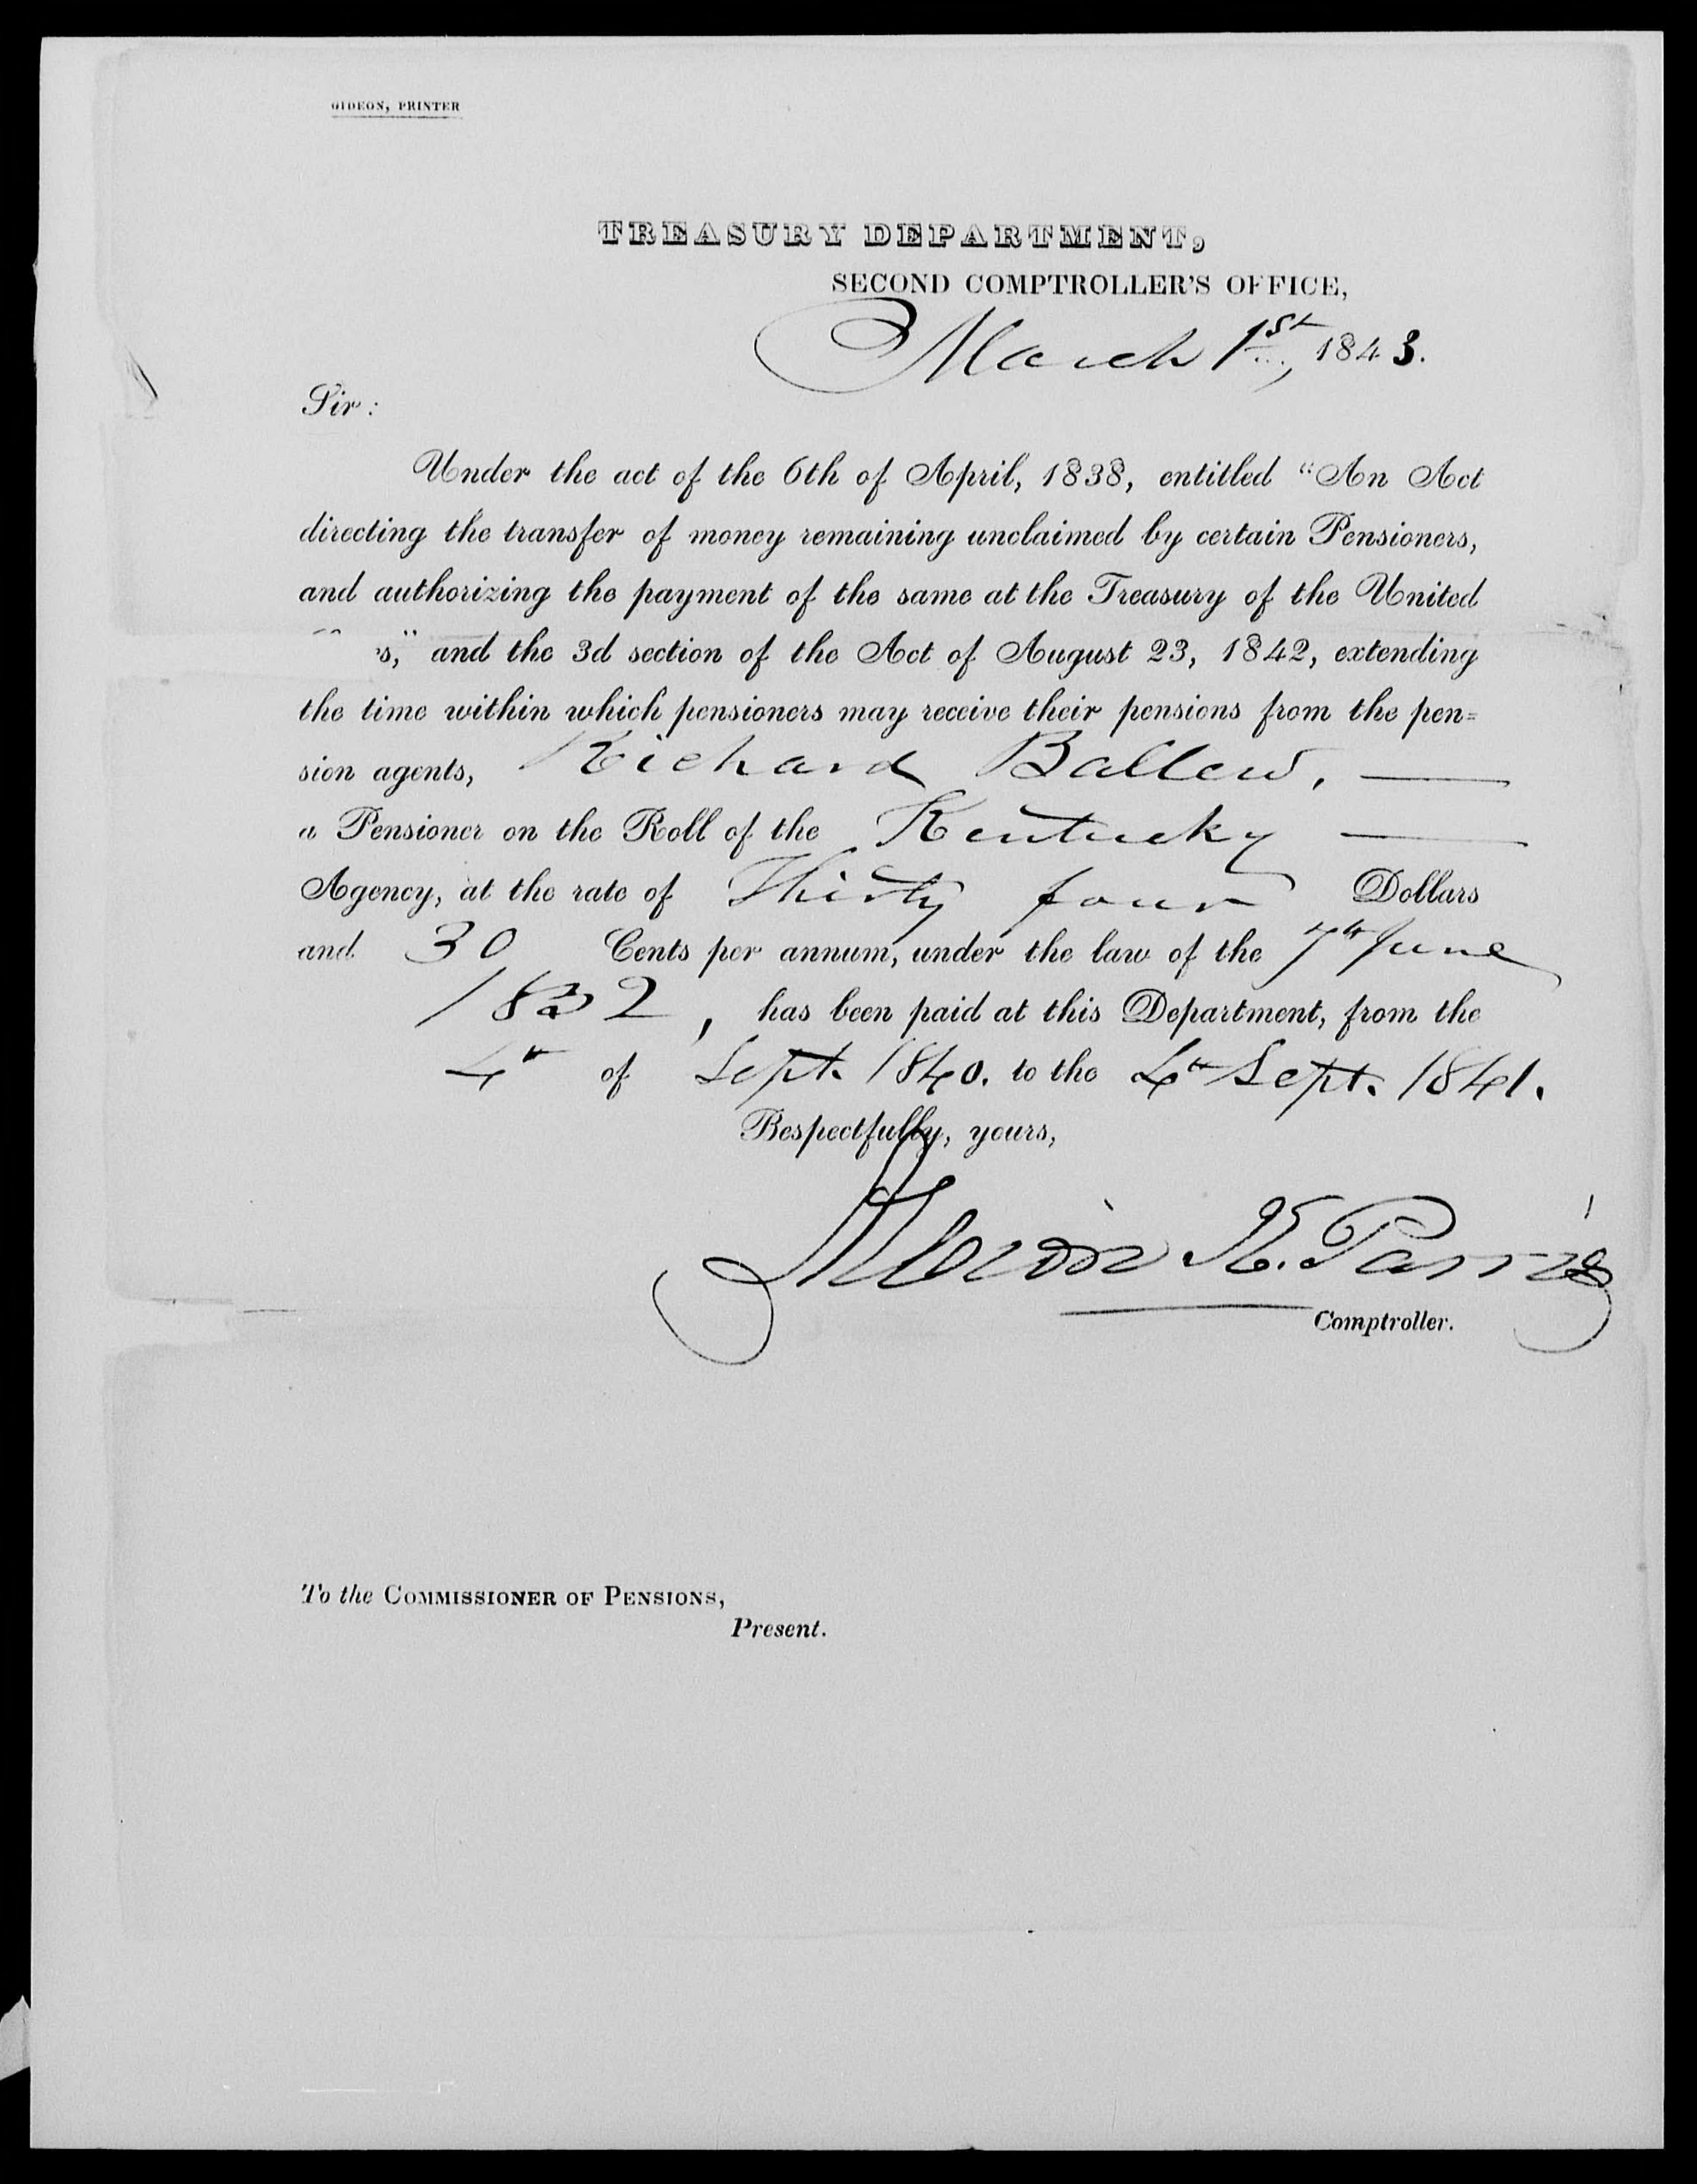TREASURY DEPARTMENT,
SECOND COMPTROLLER'S OFFICE.
March 1st, 1843.

Sir:
Under the act of the 6th of April, 1938, entitled "An Act
directing the transfer of money remaining unclaimed by certain Pensioners,
and authorizing the payment of the same at the Treasury of the United
States," and the 3d section of the Act of August 23, 1842, extending
the time within which pensioners may receive their pensions from the
pension agents, Richard Ballew,
a Pensioner of the Roll of the Kentucky
Agency, at the rate of Thirty four Dollars
and 30 Cents per annum, under the law of the 7th June
1832, has been paid at this Department, from the
4th Sept. 1840. to the 4th Sept. 1841.
Respectfully, yours,
Albion K. Parris
Comptroller.


To the Commissioner of Pensions,
Present.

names: Albion K Parris, Richard Ballew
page: 20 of 33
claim: survivor's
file: S. 15305, Richard Ballew, N.C.